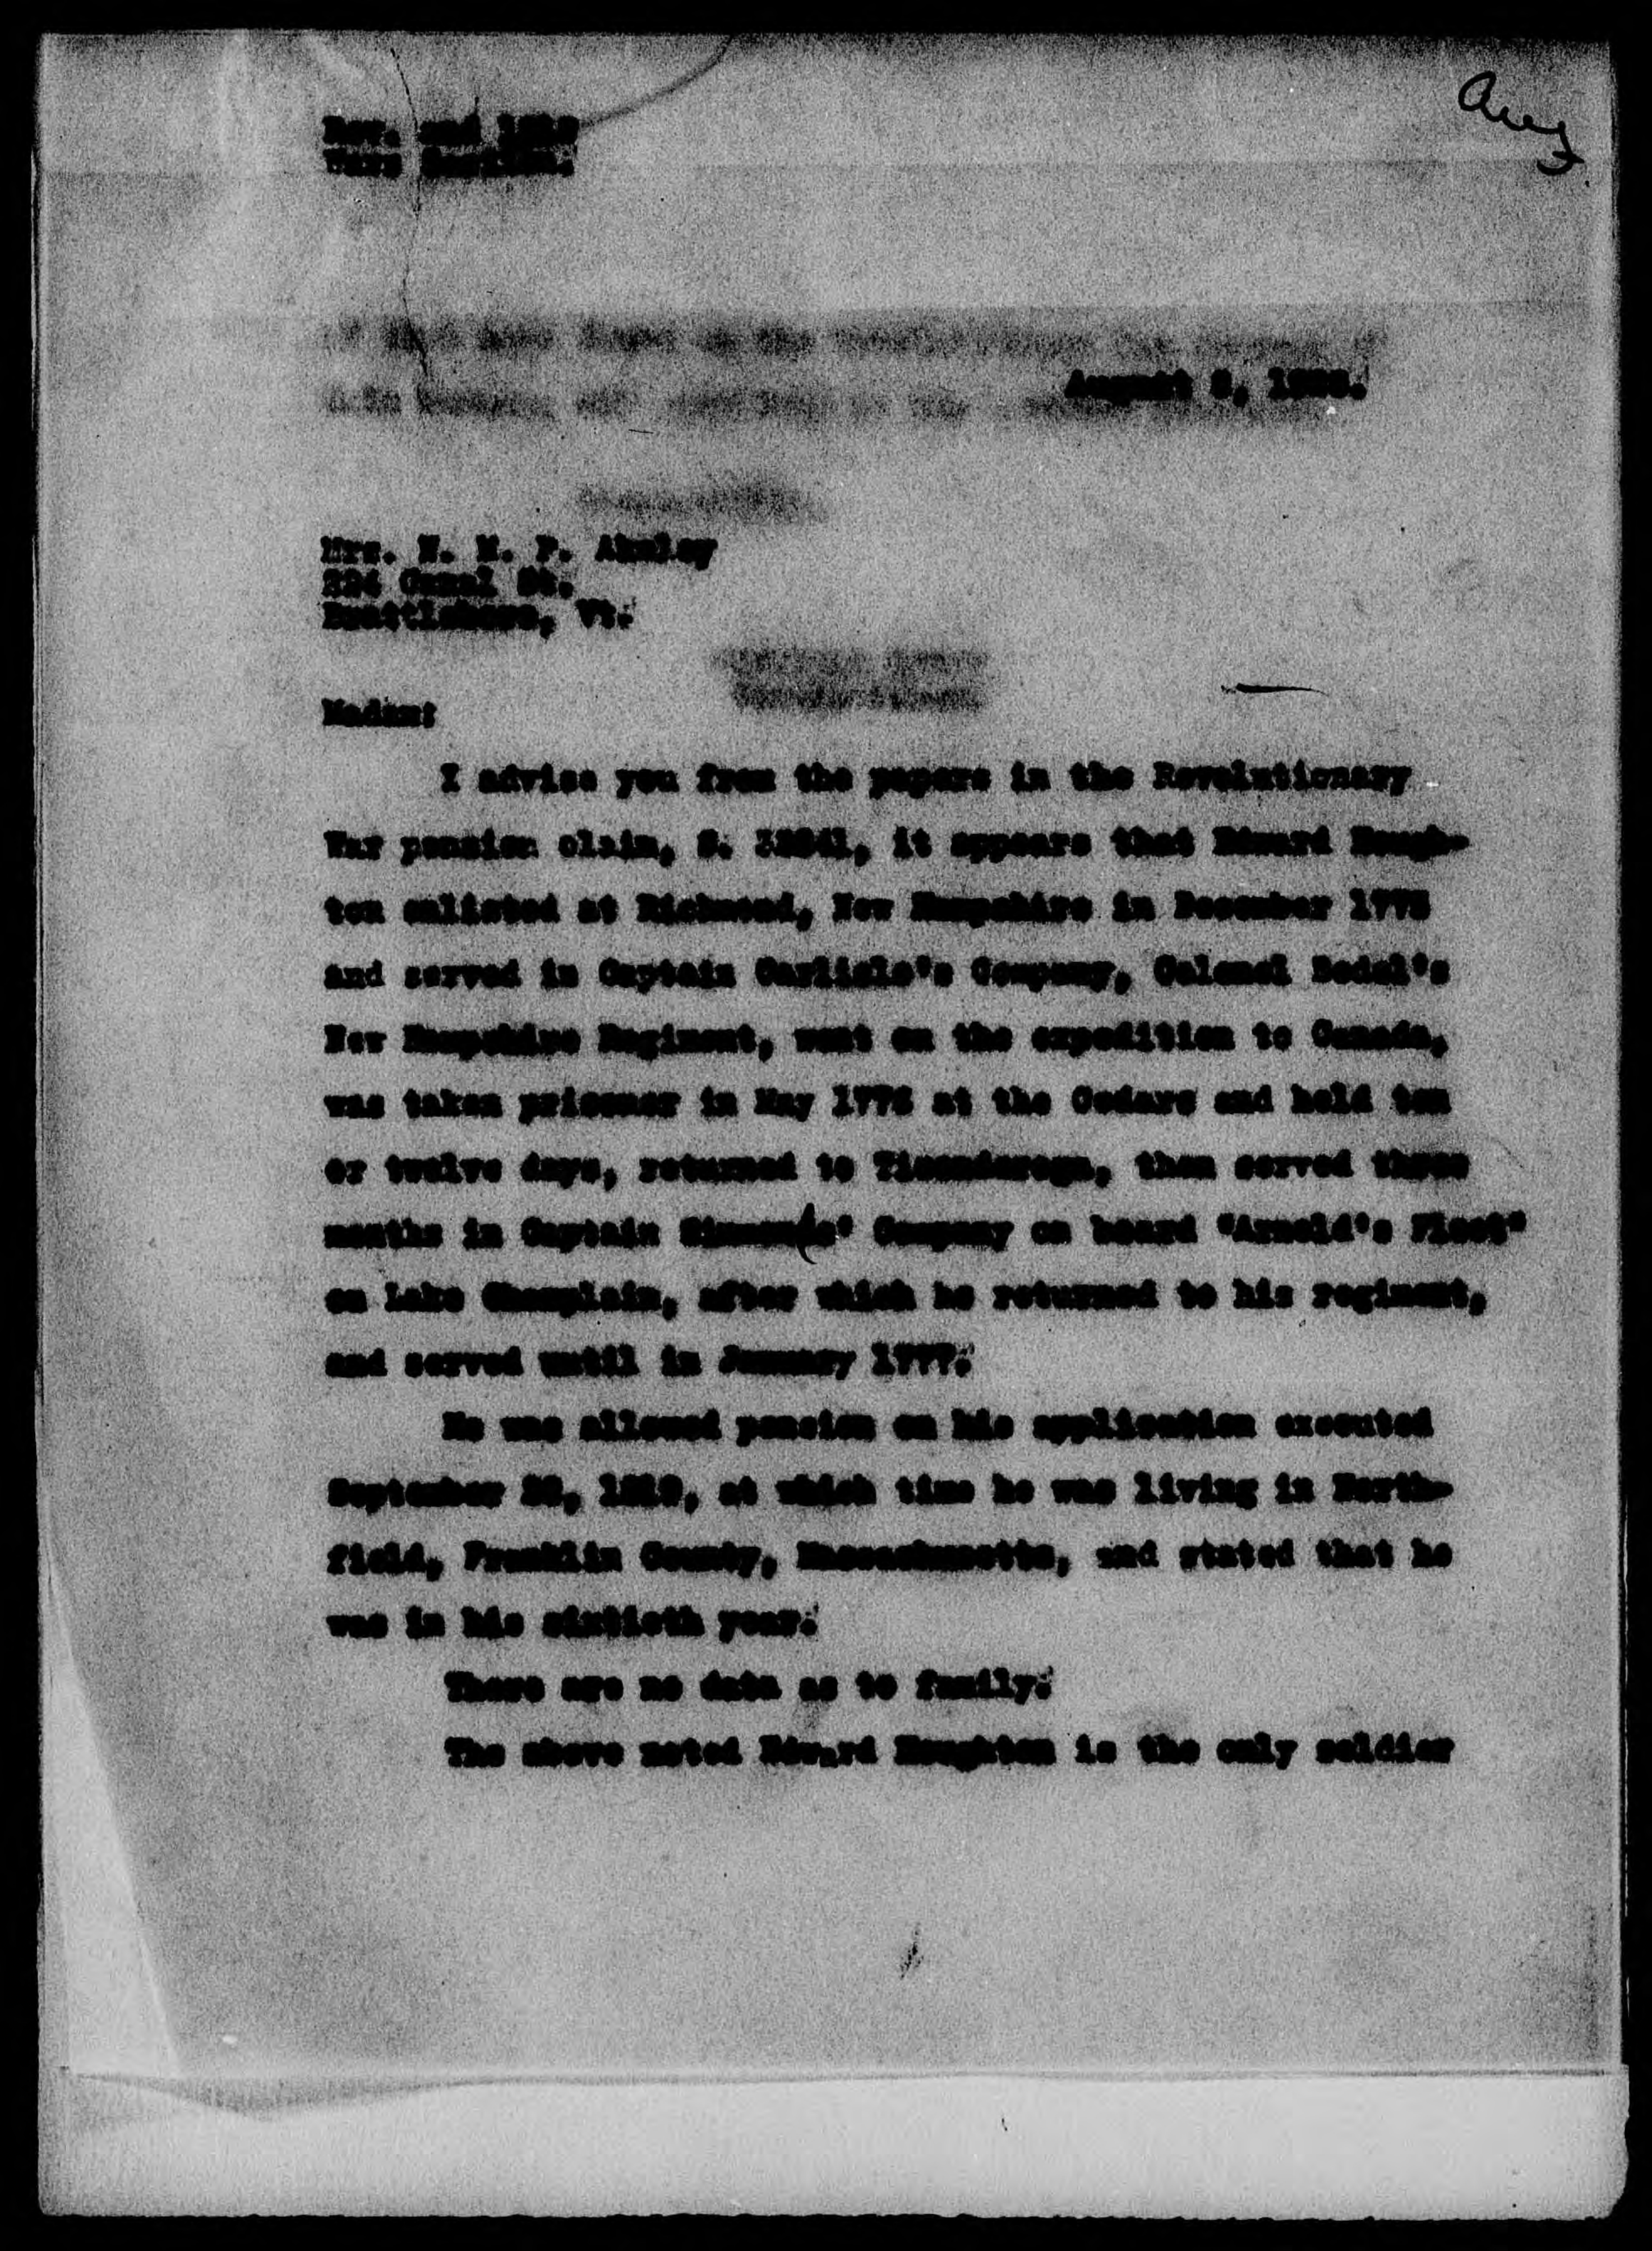[illegible]

August 8, 19 [illegible]

Mrs. N. M. P. Akeley
[illegible] Canal St.
Brattleboro, Vt.

Madam: 

I advise you from the papers in the Revolutionary War pension claim, [illegible] 32,841, it appears that Edward Houghton enlisted at Richmond, New Hampshire in December 1775 and served in Captain Carlisle's Company, Colonel Bedel's New Hampshire Regiment, went on the expedition to Canada, was taken prisoner in May 1775 at the Cedars and held ten or twelve days, returned to Ticonderoga, then served three months in Captain Simmons' Company on board "Arnold's Fleet" on Lake Champlain, after which he returned to his regiment, and served until in January 1777.
He was allowed pension on his application executed September [illegible] at which time he was living in Northfield, Franklin County, Massachusetts, and stated that he was in his sixtieth year. 
There are no data as to family. 
the about noted Edward Houghton is the only soldier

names: Edward Houghton, N M P Akeley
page: 8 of 10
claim: survivor's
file: S. 32,841, Edward Houghton, N.H.